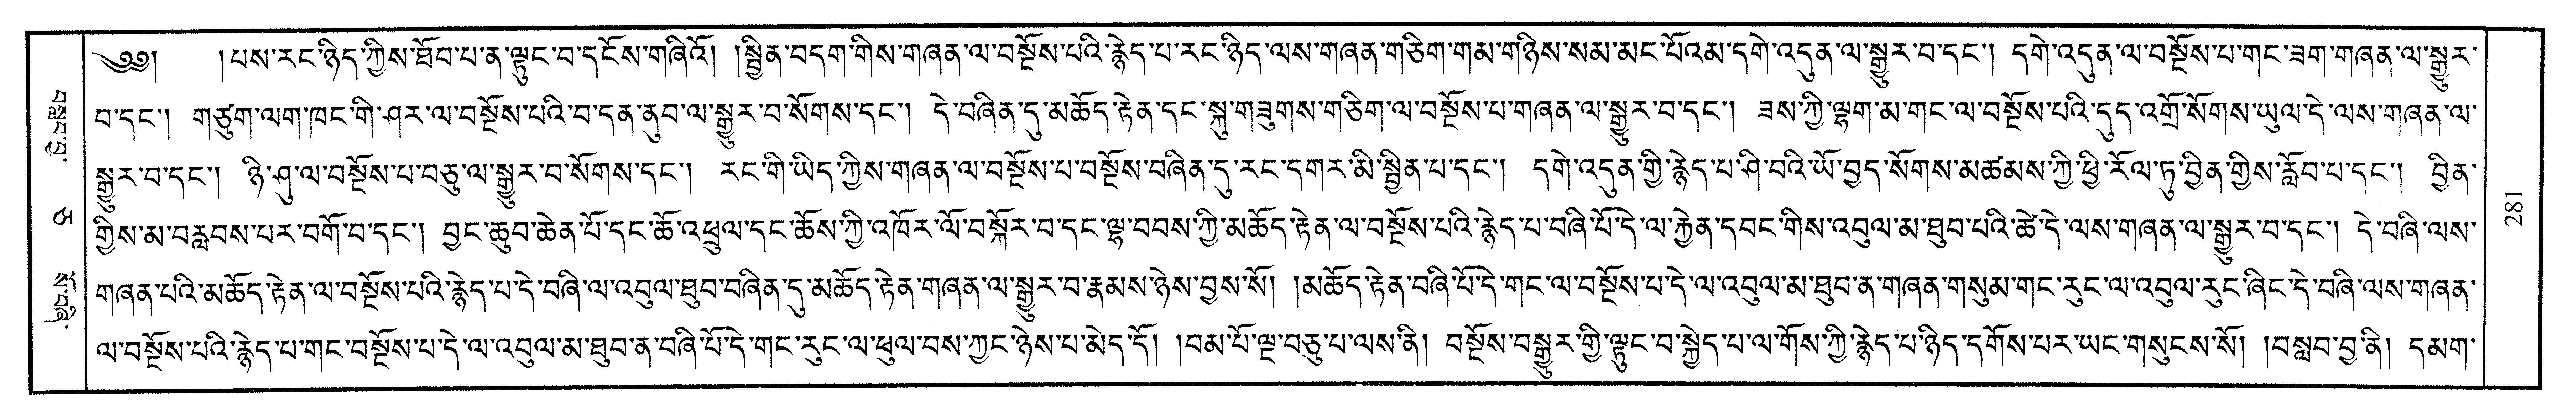༄༅། །པས་རང་ཉིད་ཀྱིས་ཐོབ་པ་ན་ལྟུང་བ་དངོས་གཞིའོ། །སྦྱིན་བདག་གིས་གཞན་ལ་བསྔོས་པའི་རྙེད་པ་རང་ཉིད་ལས་གཞན་གཅིག་གམ་གཉིས་སམ་མང་པོའམ་དགེ་འདུན་ལ་སྒྱུར་བ་དང་། དགེ་འདུན་ལ་བསྔོས་པ་གང་ཟག་གཞན་ལ་སྒྱུར་
བ་དང་། གཙུག་ལག་ཁང་གི་ཤར་ལ་བསྔོས་པའི་བ་དན་ནུབ་ལ་སྒྱུར་བ་སོགས་དང་། དེ་བཞིན་དུ་མཆོད་རྟེན་དང་སྐུ་གཟུགས་གཅིག་ལ་བསྔོས་པ་གཞན་ལ་སྒྱུར་བ་དང་། ཟས་ཀྱི་ལྷག་མ་གང་ལ་བསྔོས་པའི་དུད་འགྲོ་སོགས་ཡུལ་དེ་ལས་གཞན་ལ་
སྒྱུར་བ་དང་། ཉི་ཤུ་ལ་བསྔོས་པ་བཅུ་ལ་སྒྱུར་བ་སོགས་དང་། རང་གི་ཡིད་ཀྱིས་གཞན་ལ་བསྔོས་པ་བསྔོས་བཞིན་དུ་རང་དགར་མི་སྦྱིན་པ་དང་། དགེ་འདུན་གྱི་རྙེད་པ་ཤི་བའི་ཡོ་བྱད་སོགས་མཚམས་ཀྱི་ཕྱི་རོལ་ཏུ་བྱིན་གྱིས་རློབ་པ་དང་། བྱིན་
གྱིས་མ་བརླབས་པར་བགོ་བ་དང་། བྱང་ཆུབ་ཆེན་པོ་དང་ཆོས་འཕྲུལ་དང་ཆོས་ཀྱི་འཁོར་ལོ་བསྐོར་བ་དང་ལྷ་བབས་ཀྱི་མཆོད་རྟེན་ལ་བསྔོས་པའི་རྙེད་པ་བཞི་པོ་དེ་ལ་རྐྱེན་དབང་གིས་འབུལ་མ་ཐུབ་པའི་ཚེ་དེ་ལས་གཞན་ལ་སྒྱུར་བ་དང་། དེ་བཞི་ལས་
གཞན་པའི་མཆོད་རྟེན་ལ་བསྔོས་པའི་རྙེད་པ་དེ་བཞི་ལ་འབུལ་ཐུབ་བཞིན་དུ་མཆོད་རྟེན་གཞན་ལ་སྒྱུར་བ་རྣམས་ཉེས་བྱས་སོ། །མཆོད་རྟེན་བཞི་པོ་དེ་གང་ལ་བསྔོས་པ་དེ་ལ་འབུལ་མ་ཐུབ་ན་གཞན་གསུམ་གང་རུང་ལ་འབུལ་རུང་ཞིང་དེ་བཞི་ལས་གཞན་
ལ་བསྔོས་པའི་རྙེད་པ་གང་བསྔོས་པ་དེ་ལ་འབུལ་མ་ཐུབ་ན་བཞི་པོ་དེ་གང་རུང་ལ་ཕུལ་བས་ཀྱང་ཉེས་པ་མེད་དོ། །བམ་པོ་ལྔ་བཅུ་པ་ལས་ནི། བསྔོས་བསྒྱུར་གྱི་ལྟུང་བ་སྐྱེད་པ་ལ་གོས་ཀྱི་རྙེད་པ་ཉིད་དགོས་པར་ཡང་གསུངས་སོ། །བསླབ་བྱ་ནི། དམག་